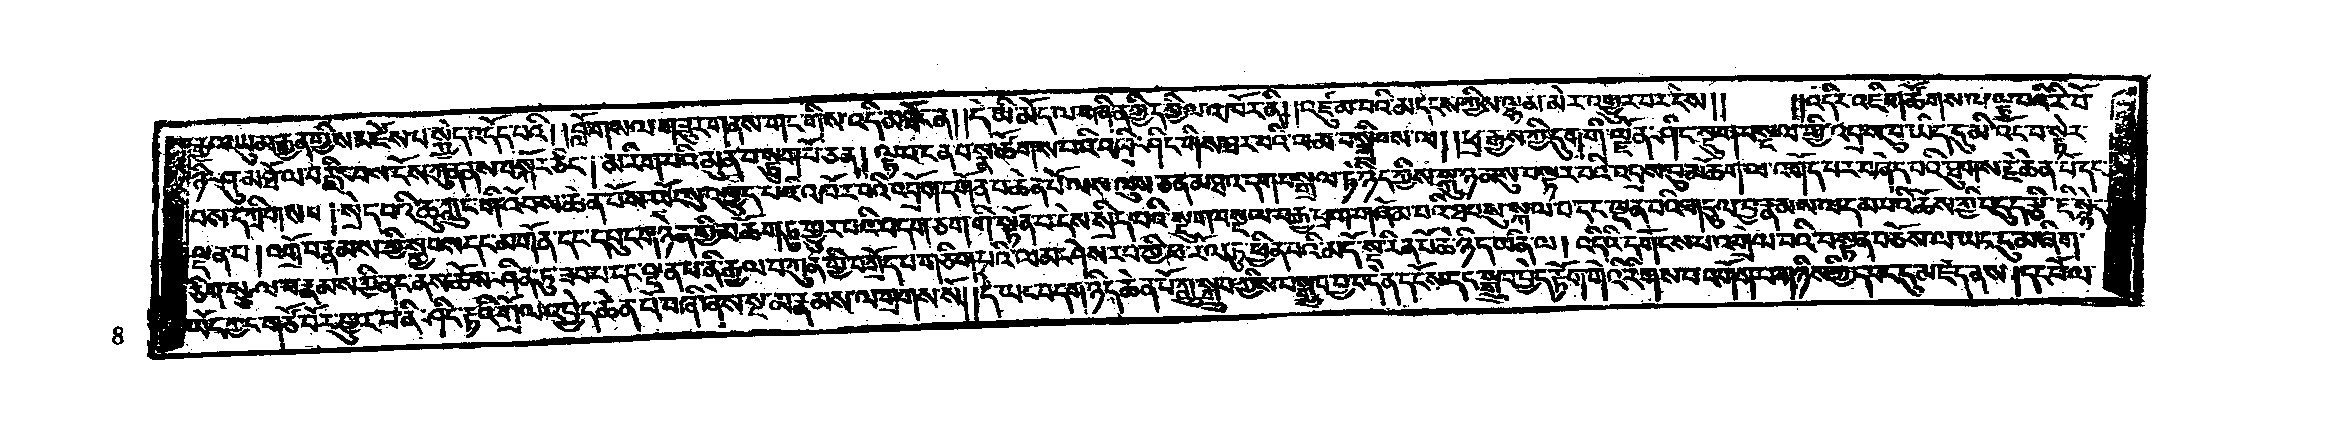རྒྱལ་ཡུམ་རྒྱན་གྱིས་མཛེས་པ་སྐྱེད་འདོད་པའི། །བློ་གསལ་གཟུར་གནས་གང་གིས་འདི་མཐོང་ན། །དེ་ཡི་མོད་ལ་བཞིན་གྱི་དཀྱིལ་འཁོར་ནི། །འཛུམ་པའི་མདངས་ཀྱིས་ལྷམ་མེར་འགྱུར་བར་ངེས།། །།འདིར་འཇིག་ཚོགས་ལ་ལྟ་བའི་རི་བོ་
ཉི་ཤུ་མཐོ་ལ་བརླིང་བས་ངོས་ཀུན་ནས་བསྐོར་ཅིང་། མ་རིག་པའི་མུན་པ་སྟུག་པོ་ཅན། ལྟ་བ་ངན་པ་སྣ་ཚོགས་པའི་འཁྲི་ཤིང་གིས་ཐར་བའི་ལམ་བསྒྲིབས་ལ། །ཕྲ་རྒྱས་ཀྱི་དུག་གི་ལྗོན་ཤིང་སྡུག་བསྔལ་གྱི་འབྲས་བུ་ཡིད་དུ་མི་འོང་བ་སྟེར་
བས་དཀྲིགས་པ། སྲིད་པའི་ཆུ་ཀླུང་གི་འོབས་ཆེན་པོས་ཡོངས་སུ་འཁྱུད་པའི་འཁོར་བའི་འབྲོག་དགོན་པ་ཆེན་པོ་ལས་ལུས་ཅན་མཐའ་དག་བསྒྲལ་ཏེ་ཉིད་ཀྱིས་སྐུ་ཉམས་སུ་བསྟར་བའི་འབྲས་བུ་མཆོག་ལ་འགོད་པར་བཞེད་པའི་ཐུགས་རྗེ་ཆེན་པོ་དང་
ལྡན་པ། འགྲོ་བ་རྣམས་ཀྱི་སྐྱབས་དང་མགོན་དང་དཔུང་གཉེན་གྱི་མཆོག་ཏུ་གྱུར་པའི་བདག་ཅག་གི་སྟོན་པ་དེས་སྲིད་པའི་སྡུག་བསྔལ་བརྒྱ་ཕྲག་གཞོམ་པའི་ཐབས་སུ་སྐལ་བ་དང་ལྡན་པའི་གདུལ་བྱ་རྣམས་ལ་དམ་པའི་ཆོས་ཀྱི་བདུད་རྩི་ཇི་སྙེད་
ཅིག་སྩལ་བ་རྣམས་ཀྱི་ནང་ནས་ཆེས་ཤིན་ཏུ་ཟབ་པ་དང་ལྡན་པ་ནི་རྒྱལ་བ་ཀུན་གྱི་བགྲོད་པ་གཅིག་པའི་ལམ་ཤེས་རབ་ཀྱི་ཕ་རོལ་ཏུ་ཕྱིན་པའི་མདོ་སྔ་རིན་པོ་ཆེ་ཉིད་ཡིན་ལ། འདིའི་དགོངས་པ་འགྲེལ་བའི་བསྟན་བཅོས་ལ་ཡང་དུ་མ་ཞིག་
ཡོད་ཀྱང་གཙོ་བོར་གྱུར་པ་ནི་ཤིང་རྟའི་སྲོལ་འབྱེད་ཆེན་པོ་བཞི་ཞེས་སྔ་མ་རྣམས་ལ་གྲགས་སོ། །དེ་ཡང་བདག་ཉིད་ཆེན་པོ་ཀླུ་སྒྲུབ་ཀྱིས་བསྒྲུབ་བྱ་བདེན་དངོས་དང་སྒྲུབ་བྱེད་རྟོག་གེའི་རིགས་པ་འགོག་པ་གཉིས་ཀྱི་དབང་དུ་མཛད་ནས། དང་པོ་ལ་